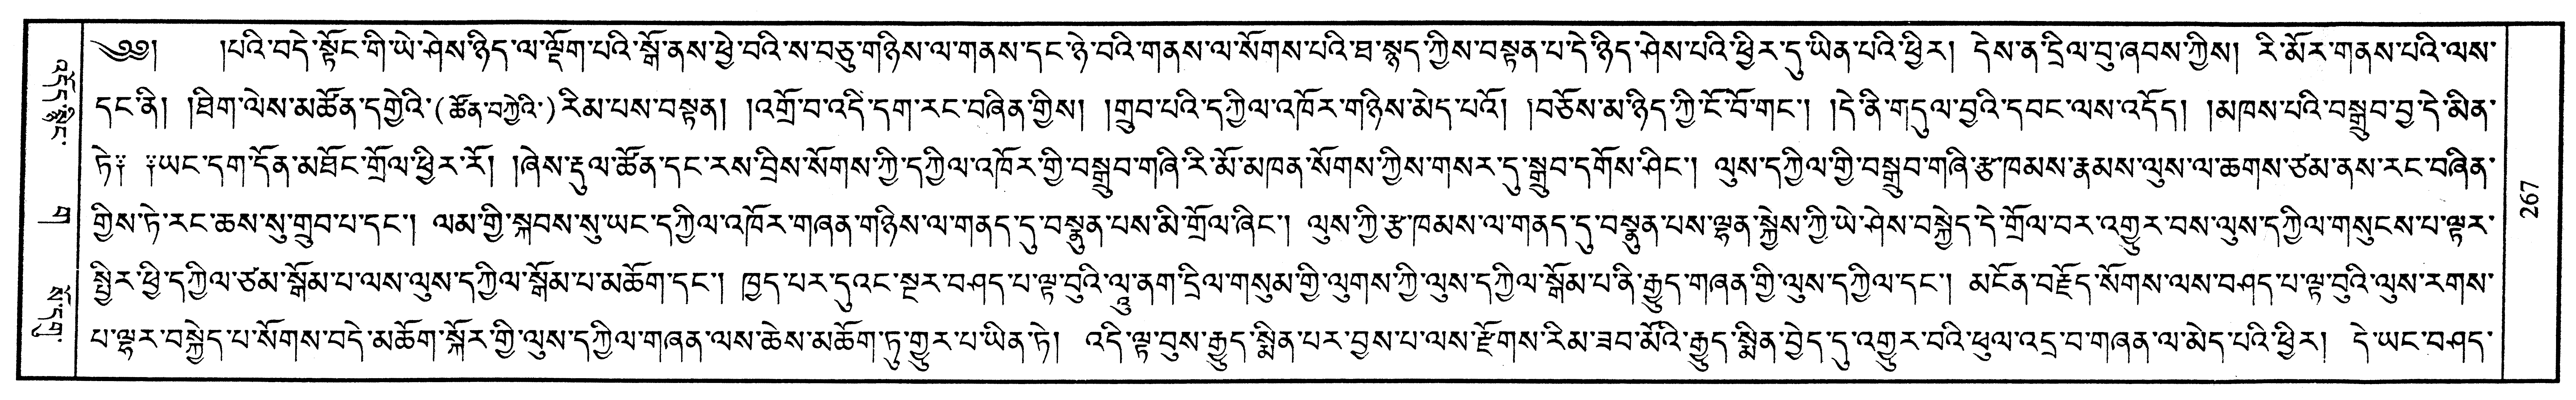༄༅། །པའི་བདེ་སྟོང་གི་ཡེ་ཤེས་ཉིད་ལ་ལྡོག་པའི་སྒོ་ནས་ཕྱེ་བའི་ས་བཅུ་གཉིས་ལ་གནས་དང་ཉེ་བའི་གནས་ལ་སོགས་པའི་ཐ་སྙད་ཀྱིས་བསྟན་པ་དེ་ཉིད་ཤེས་པའི་ཕྱིར་དུ་ཡིན་པའི་ཕྱིར། དེས་ན་དྲིལ་བུ་ཞབས་ཀྱིས། རི་མོར་གནས་པའི་ལས་
དང་ནི། །ཐིག་ལེས་མཚོན་དགྱེའི་ཚོན་བཀྱེའི་རིམ་པས་བསྟན། །འགྲོ་བ་འདི་དག་རང་བཞིན་གྱིས། །གྲུབ་པའི་དཀྱིལ་འཁོར་གཉིས་མེད་པའོ། །བཅོས་མ་ཉིད་ཀྱི་ངོ་བོ་གང་། །དེ་ནི་གདུལ་བྱའི་དབང་ལས་འདོད། །མཁས་པའི་བསྒྲུབ་བྱ་དེ་མིན་
ཏེ༑ ༑ཡང་དག་དོན་མཐོང་གྲོལ་ཕྱིར་རོ། །ཞེས་རྡུལ་ཚོན་དང་རས་བྲིས་སོགས་ཀྱི་དཀྱིལ་འཁོར་གྱི་བསྒྲུབ་གཞི་རི་མོ་མཁན་སོགས་ཀྱིས་གསར་དུ་སྒྲུབ་དགོས་ཤིང་། ལུས་དཀྱིལ་གྱི་བསྒྲུབ་གཞི་རྩ་ཁམས་རྣམས་ལུས་ལ་ཆགས་ཙམ་ནས་རང་བཞིན་
གྱིས་ཏེ་རང་ཆས་སུ་གྲུབ་པ་དང་། ལམ་གྱི་སྐབས་སུ་ཡང་དཀྱིལ་འཁོར་གཞན་གཉིས་ལ་གནད་དུ་བསྣུན་པས་མི་གྲོལ་ཞིང་། ལུས་ཀྱི་རྩ་ཁམས་ལ་གནད་དུ་བསྣུན་པས་ལྷན་སྐྱེས་ཀྱི་ཡེ་ཤེས་བསྐྱེད་དེ་གྲོལ་བར་འགྱུར་བས་ལུས་དཀྱིལ་གསུངས་པ་ལྟར་
སྤྱིར་ཕྱི་དཀྱིལ་ཙམ་སྒོམ་པ་ལས་ལུས་དཀྱིལ་སྒོམ་པ་མཆོག་དང་། ཁྱད་པར་དུའང་སྔར་བཤད་པ་ལྟ་བུའི་ལཱུ་ནག་དྲིལ་གསུམ་གྱི་ལུགས་ཀྱི་ལུས་དཀྱིལ་སྒོམ་པ་ནི་རྒྱུད་གཞན་གྱི་ལུས་དཀྱིལ་དང་། མངོན་བརྗོད་སོགས་ལས་བཤད་པ་ལྟ་བུའི་ལུས་རགས་
པ་ལྷར་བསྐྱེད་པ་སོགས་བདེ་མཆོག་སྐོར་གྱི་ལུས་དཀྱིལ་གཞན་ལས་ཆེས་མཆོག་ཏུ་གྱུར་པ་ཡིན་ཏེ། འདི་ལྟ་བུས་རྒྱུད་སྨིན་པར་བྱས་པ་ལས་རྫོགས་རིམ་ཟབ་མོའི་རྒྱུད་སྨིན་བྱེད་དུ་འགྱུར་བའི་ཕུལ་འདྲ་བ་གཞན་ལ་མེད་པའི་ཕྱིར། དེ་ཡང་བཤད་